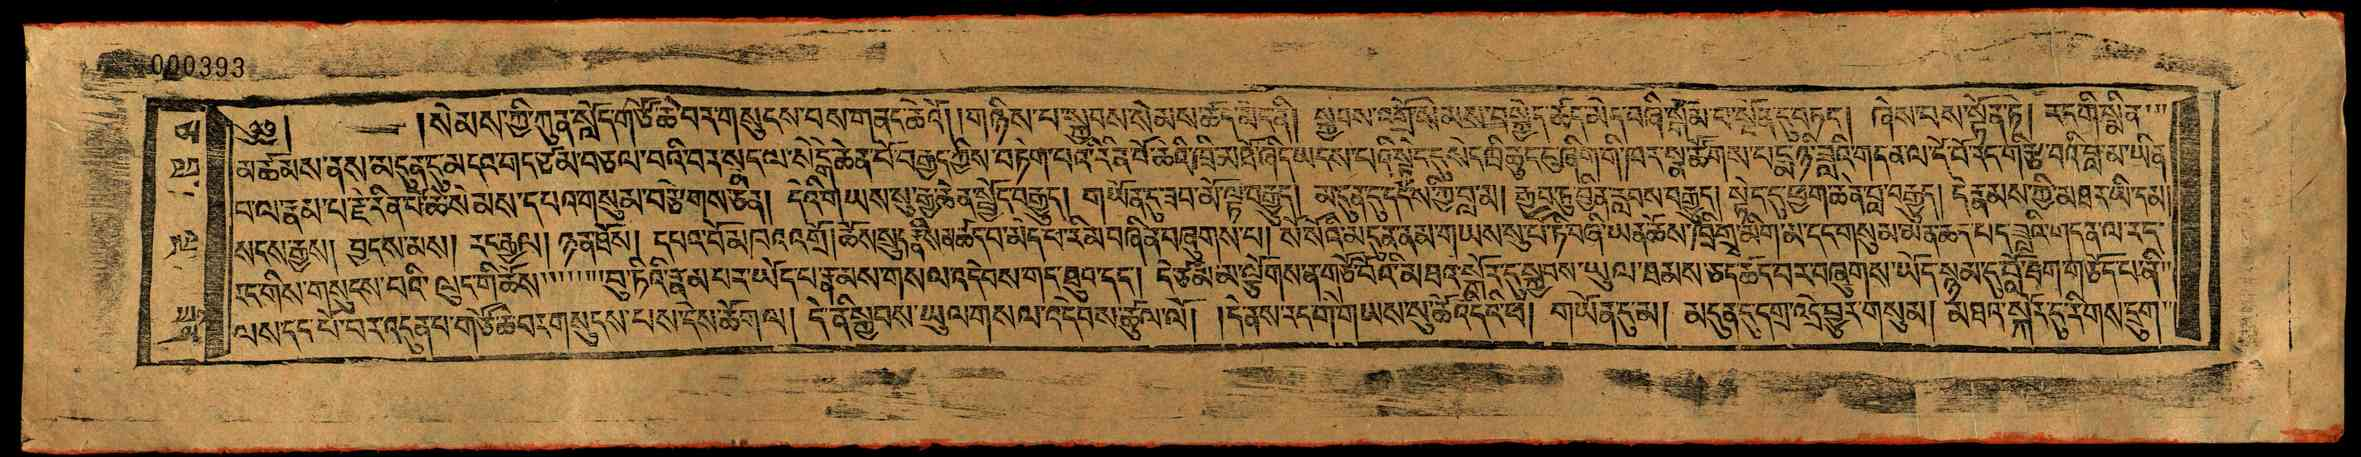༄༅། །སེམས་ཀྱི་ཀུན་སློང་གཙོ་ཆེ་བར་གསུངས་པས་གནད་ཆེའོ། །གཉིས་པ་སྐྱབས་སེམས་ཚད་མེད་ནི། སྐྱབས་འགྲོ་སེམས་བསྐྱེད་ཚད་མེད་བཞི་སྒོམ་པ་སྔོན་དུ་བཏང་། ཞེས་པས་སྟོན་ཏེ། རང་གི་སྨིན་
མཚམས་ནས་མདུན་དུ་མདའ་གང་ཙམ་བཅལ་བའི་བར་སྣང་ལ་སེངྒེ་ཆེན་པོ་བརྒྱད་ཀྱིས་བཏེག་པཱྀ་རིན་པོ་ཆེའི་ཁྲི་མཐོ་ཞིང་ཡངས་པའི་སྟེང་དུ་སེང་ཁྲི་ཆུང་དུ་ཞིག་གི་ཁར་སྣ་ཚོགས་པདམ་ཉི་ཟླའི་གདན་ལ་ངོ་བོ་རང་གི་རྩ་བའི་བླ་མ་ཡིན་
པ་ལ་རྣམ་པ་རྗེ་རིན་པོ་ཆེ་སེམས་དཔའ་གསུམ་བརྩེགས་ཅན། དེའི་གཡས་སུ་རྒྱ་ཆེན་སྤྱོད་བརྒྱུད། གཡོན་དུ་ཟབ་མོ་ལྟ་བརྒྱུད། མདུན་དུ་དངོས་ཀྱི་བླ་མ། རྒྱབ་ཏུ་བྱིན་རླབས་བརྒྱུད། སྟེང་དུ་ཕྱག་ཆེན་བླ་བརྒྱུད། དེ་རྣམས་ཀྱི་མཐར་ཡི་དམ་
སངས་རྒྱས། བྱང་སེམས། རང་རྒྱལ། ཉན་ཐོས། དཔའ་བོ་མཁའ་འགྲོ་།ཆོས་སྲུང་རྣཾས་མ་ཚང་པ་མེད་པ་རིམ་བཞིན་བཞུགས་པ། སོ་སོའི་མདུན་ནམ་གཡས་སུ་པོ་ཏི་བཞི་ཡན་ཆོས་ཁྲི་གྲྭ་མིག་མ་དང་གསུམ་མན་ཆད་པད་ཟླའི་གདན་ལ་རང་
རང་གིས་གསུངས་པའི་ལུང་གི་ཆོས་པུ་ཏིའི་རྣམ་པར་ཡོད་པ་རྣམས་གསལ་འདེབས་གང་ཐུབ་དང་། དེ་ཙམ་མ་ལྕོགས་ན་གཙོ་བོའི་མཐའ་སྐོར་དུ་སྐྱབས་ཡུལ་ཐམས་ཅད་ཚང་བར་བཞུགས་ཡོད་སྙམ་དུ་བློ་ཐག་གཅོད་པ་ནི་
ལས་དང་པོ་པར་འདུན་པ་གཙོ་ཆེ་བར་གསུངས་པས་དེས་ཆོག་ལ། དེ་ནི་སྐྱབས་ཡུལ་གསལ་འདེབས་ཚུལ་ལོ། །དེ་ནས་རང་གི་གཡས་སུ་ཚེ་འདིའི་ཕ། གཡོན་དུ་མ། མདུན་དུ་དགྲ་འདྲེ་བྱུར་གསུམ། མཐའ་སྐོར་དུ་རིགས་དྲུག་